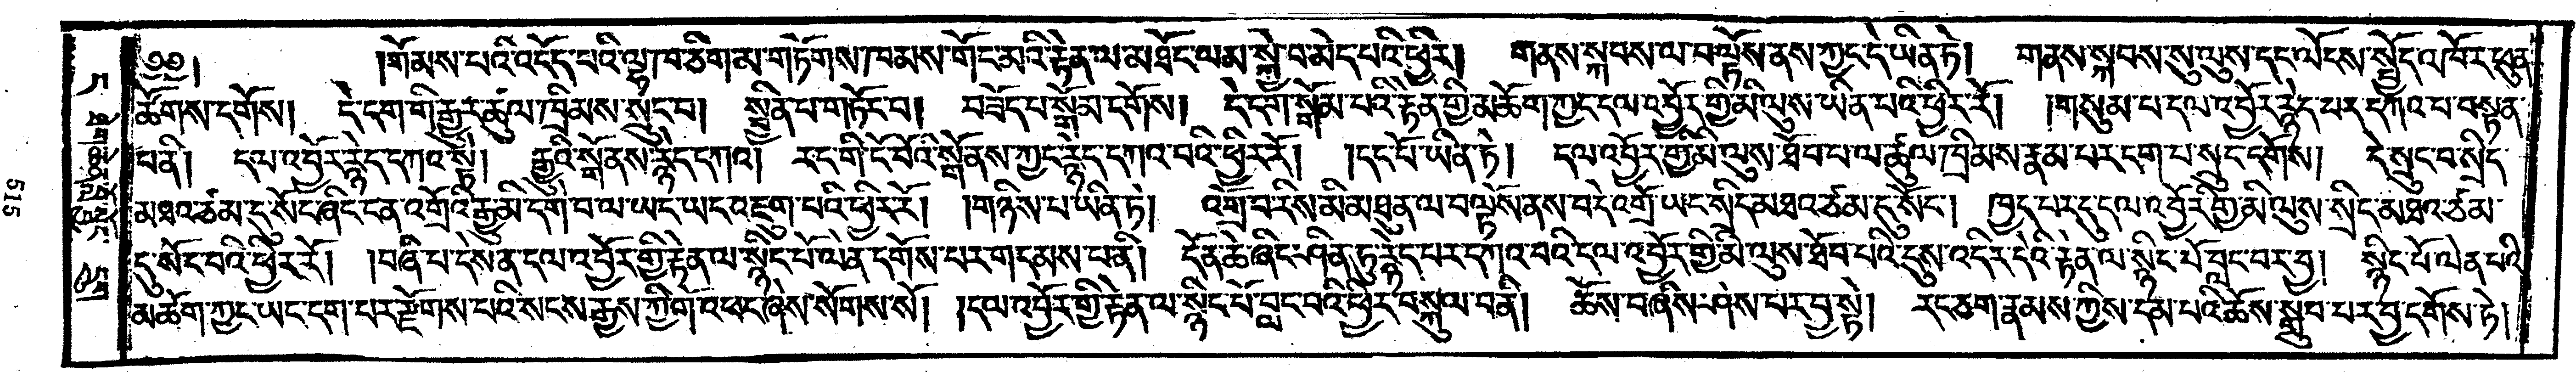༄༅། །གོམས་པའི་འདོད་པའི་ལྷ་ཁ་ཅིག་མ་གཏོགས་ཁམས་གོང་མའི་རྟེན་ལ་མཐོང་ལམ་སྐྱེ་བ་མེད་པའི་ཕྱིར། གནས་སྐབས་ལ་བལྟོས་ནས་ཀྱང་དེ་ཡིན་ཏེ། གནས་སྐབས་སུ་ལུས་དང་ལོངས་སྤྱོད་འཁོར་ཕུན་
ཚོགས་དགོས། དེ་དག་གི་རྒྱུར་ཚུལ་ཁྲིམས་སྲུང་བ། སྦྱིན་པ་གཏོང་བ། བཟོད་པ་སྒོམ་དགོས། དེ་དག་སྒོམ་པའི་རྟེན་གྱི་མཆོག་ཀྱང་དལ་འབྱོར་གྱི་མི་ལུས་ཡིན་པའི་ཕྱིར་རོ། །གསུམ་པ་དལ་འབྱོར་རྙེད་པར་དཀའ་བ་བསྟན་
པ་ནི། དལ་འབྱོར་རྙེད་དཀའ་སྟེ། རྒྱུའི་སྒོ་ནས་རྙེད་དཀའ། རང་གི་ངོ་བོའི་སྒོ་ནས་ཀྱང་རྙེད་དཀའ་བའི་ཕྱིར་རོ། །དང་པོ་ཡིན་ཏེ། དལ་འབྱོར་གྱི་མི་ལུས་ཐོབ་པ་ལ་ཚུལ་ཁྲིམས་རྣམ་པར་དག་པ་སྲུང་དགོས། དེ་སྲུང་བ་སྲིད་
མཐའ་ཙམ་དུ་སོང་ཞིང་ངན་འགྲོའི་རྒྱུ་མི་དགེ་བ་ལ་ཡང་ཡང་འཇུག་པའི་ཕྱིར་རོ། །གཉིས་པ་ཡིན་ཏེ། འགྲོ་བ་རིས་མི་མཐུན་ལ་བལྟོས་ནས་བདེ་འགྲོ་ཡང་སྲིད་མཐའ་ཙམ་དུ་སོང་། ཁྱད་པར་དུ་དལ་འབྱོར་གྱི་མི་ལུས་སྲིད་མཐའ་ཙམ་
དུ་སོང་བའི་ཕྱིར་རོ། །བཞི་པ་དེས་ན་དལ་འབྱོར་གྱི་རྟེན་ལ་སྙིང་པོ་ལེན་དགོས་པར་གདམས་པ་ནི། དོན་ཆེ་ཞིང་ཤིན་ཏུ་རྙེད་པར་དཀའ་བའི་དལ་འབྱོར་གྱི་མི་ལུས་ཐོབ་པའི་དུས་འདིར་དེའི་རྟེན་ལ་སྙིང་པོ་བླང་བར་བྱ། སྙིང་པོ་ལེན་པའི་
མཆོག་ཀྱང་ཡང་དག་པར་རྫོགས་པའི་སངས་རྒྱས་ཀྱི་གོ་འཕང་ཞེས་སོགས་སོ། །དལ་འབྱོར་གྱི་རྟེན་ལ་སྙིང་པོ་བླང་བའི་ཕྱིར་བསྐུལ་བ་ནི། ཆོས་བཞིས་ཤེས་པར་བྱ་སྟེ། རང་ཅག་རྣམས་ཀྱིས་དམ་པའི་ཆོས་སྒྲུབ་པར་བྱ་དགོས་ཏེ།